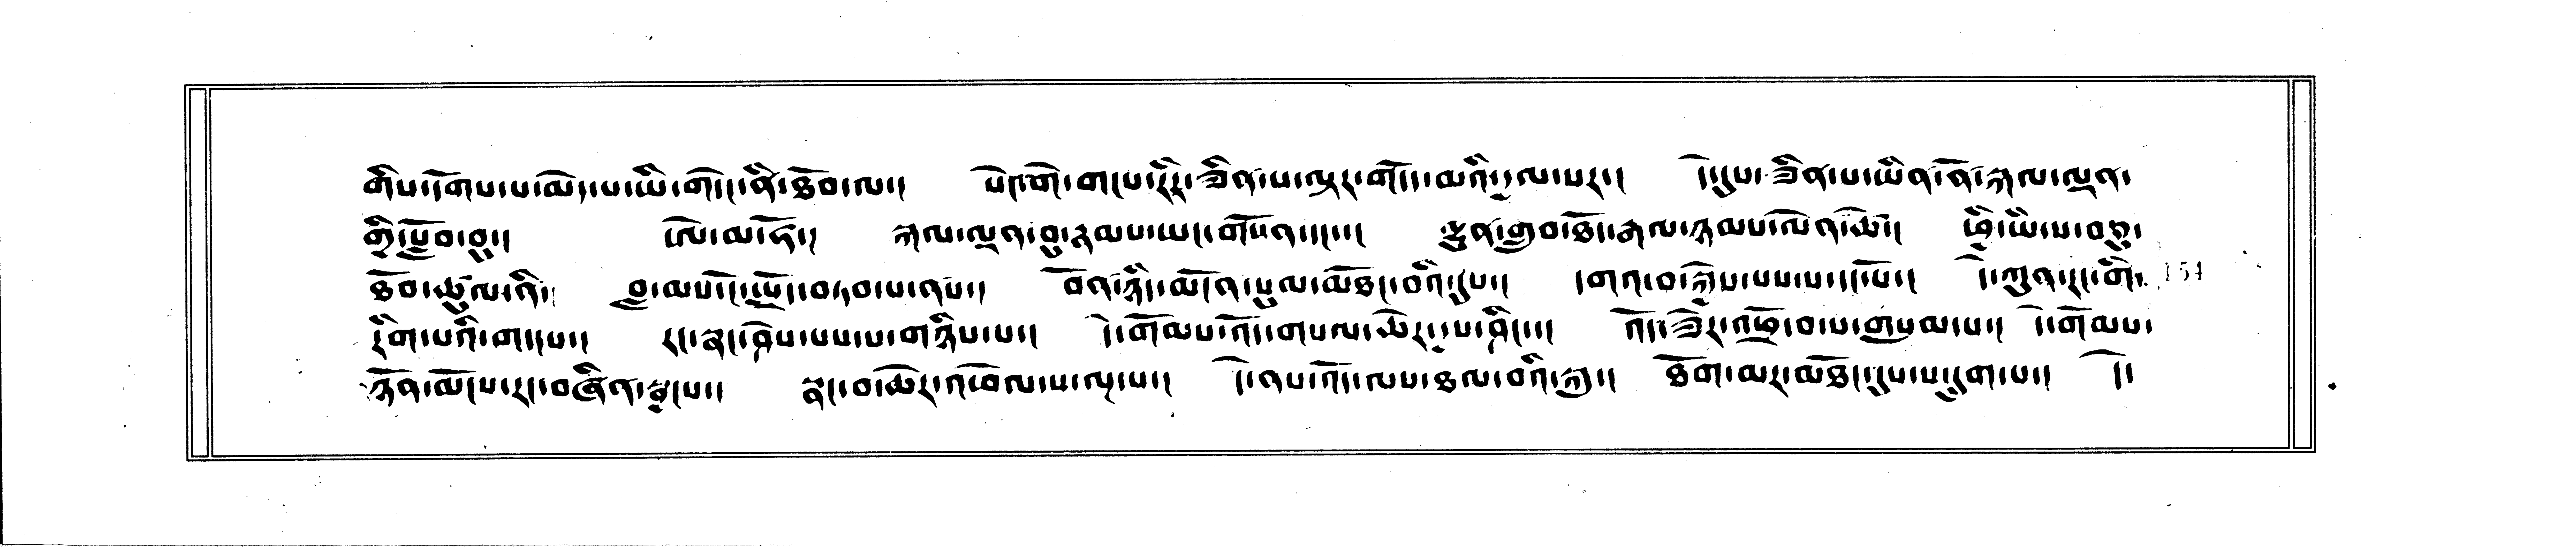གིས་དྭོགས་པ་མེད་པ་ཡི་གདེང་ནི་ཐོབ་ལ། །སེང་གེ་གངས་རིར་ཟིན་པ་ལྟར་གདོད་མའི་རྒྱལ་སར། །དེ་དུས་ཟིན་པ་ཡིན་ནོ་སྐལ་ལྡན་
གྱི་སློབ་བུ། །ཨེ་མ་ཧོ། སྐལ་ལྡན་བུ་རྣམས་ཡང་གསོན་དང་། །ལྷུན་གྲུབ་ཐོད་རྒལ་ཉམས་ལེན་ཚེ། །ཕྱི་ཡི་ས་བཅུ་
ཐོབ་ཚུལ་ནི། །བླ་མས་ངོ་སྤྲོད་བཏབ་པ་ནས། །བོན་ཉིད་མངོན་སུམ་མཐོང་བའི་དུས། །དགའ་བ་སྐྱེས་པས་ས་དང་པོ། །དེ་ཀུན་རང་གི་
རིག་པའི་གདངས། །རང་སྣང་ཤེས་པས་ས་གཉིས་པ། །དེ་གོམས་འོད་གསལ་ཆེར་རྒྱས་ཤིང་། །འོད་ཟེར་འཕྲོ་བ་ས་གསུམ་པ། །དེ་གོམས་
ཉོན་མོངས་རང་བཞིན་སྦྱངས། །སྣང་བ་ཆེར་འཕེལ་ས་ལྔ་པ། །དེ་ནས་འོད་ལས་ཐལ་བའི་སྐུ། །ཐོག་མར་མཐོང་དུས་ས་དྲུག་པ། །དེ་